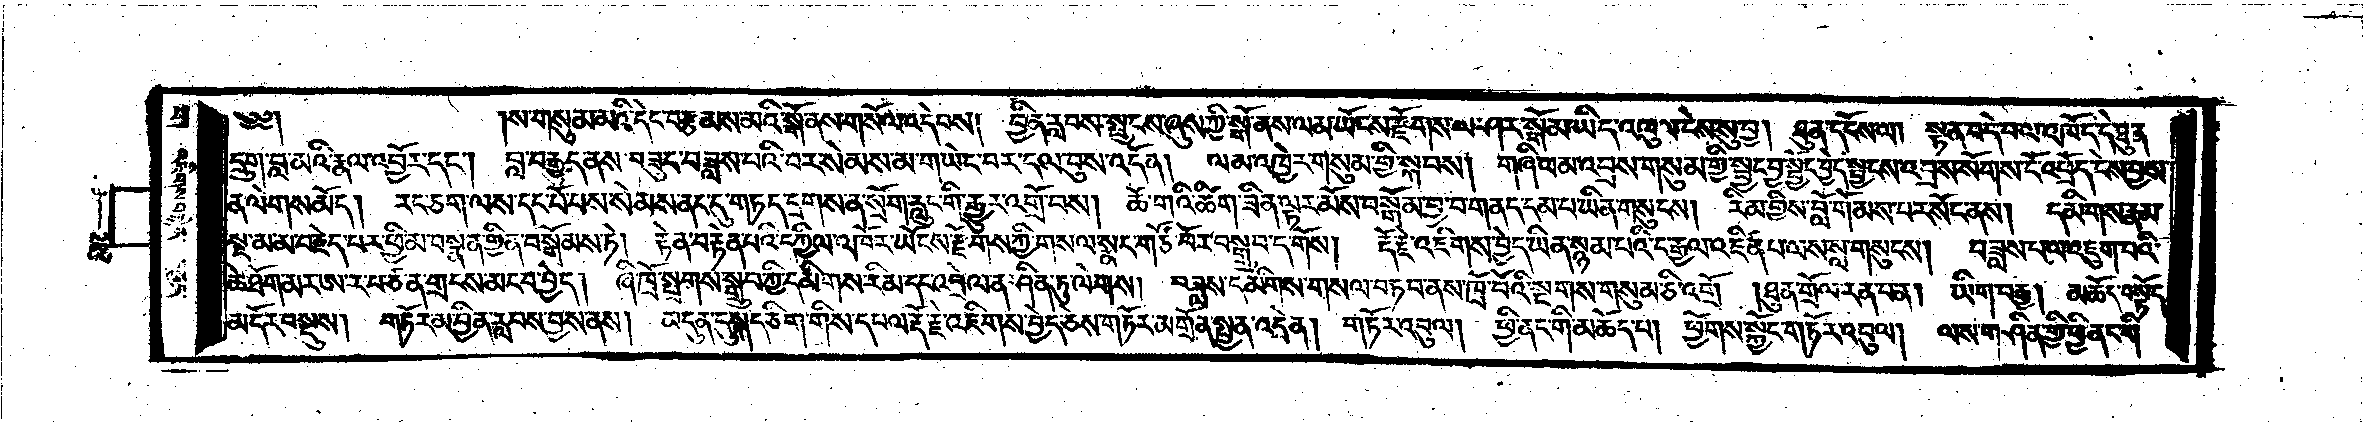༄༅། །ས་གསུམ་མའི་དེང་བརྩམས་མའི་སྒོ་ནས་གསོལ་འདེབས། བྱིན་རླབས་སྤུངས་ཞུས་ཀྱི་སྒོ་ནས་ལམ་ཡོངས་རྫོགས་ལ་ཤར་སྒོམ་ཡིད་འཁུལ་ངེས་སུ་བྱ། ཐུན་དངོས་ལ། སྟན་བདེ་བ་ལ་འཁོད་དེ་ཐུན་
དྲུག་བླ་མའི་རྣལ་འབྱོར་དང་། བླ་བརྒྱུད་ནས་བཟུང་བཟླས་པའི་བར་སེམས་མ་གཡེང་བར་དལ་བུས་འདོན། ལམ་འཁྱེར་གསུམ་གྱི་སྐབས། གཞི་ལམ་འབྲས་གསུམ་གྱི་སྦྱངས་བྱ་སྦྱོང་བྱེད་སྦྱངས་འབྲས་སོགས་ངོ་འཕྲོད་ངེས་བྱས་
ན་ལེགས་མོད། རང་ཅག་ལས་དང་པོ་པས་སེམས་ནང་དུ་གཏད་དྲགས་ན་སྲོག་རླུང་གི་རྒྱུར་འགྲོ་བས། ཚེ་གའི་ཚིག་ཟིན་ལྟར་མོས་བསྒོམ་བྱ་བ་གནད་དམ་པ་ཡིན་གསུངས། རིམ་གྱིས་བློ་གོམས་པར་སོང་ནས། དམིགས་རྣམ་
སྔ་མ་མ་བརྗེད་པར་ཕྱི་མ་བསྣན་གྱིན་བསྒོམས་ཏེ། རྟེན་བརྟེན་པའི་དཀྱིལ་འཁོར་ཡོངས་རྫོགས་ཀྱི་གསལ་སྣང་གཙོ་བོར་བསྒྲུབ་དགོས། རྡོ་རྗེ་འཇིགས་བྱེད་ཡིན་སྙམ་པའི་ང་རྒྱལ་འཛིན་པ་ལས་སླ་གསུངས། བཟླས་པ་ལ་འཇུག་པའི་
ཚེ་ཐོག་མར་ཨ་ར་པ་ཙ་ན་གྲངས་མང་བ་བྱེད། ཞི་ཁྲོ་སྤྲགས་སྒྲུབ་ཀྱི་དམིགས་རིམ་དང་འབྲེལ་ན་ཤིན་ཏུ་ལེགས། བཟླས་དམིགས་གསལ་བཏབ་ནས་ཁྲོ་བོའི་སྔགས་གསུམ་ཅི་འགྲོ་།ཐུན་གྲོལ་རན་པ་ན། ཡིག་བརྒྱ། མཆོད་བསྟོད་
མདོར་བསྡུས། གཏོར་མ་བྱིན་རླབས་བྱས་ནས། མདུན་དུ་སྐད་ཅིག་གིས་དཔལ་རྡོ་རྗེ་འཇིགས་བྱེད་ཅེས་གཏོར་མགྲོན་སྤྱན་འདྲེན། གཏོར་འབུལ། ཕྱི་ནང་གི་མཆོད་པ། ཕྱོགས་སྐྱོང་གཏོར་འབུལ། ལས་གཤིན་གྱི་ཕྱི་ནང་གི་